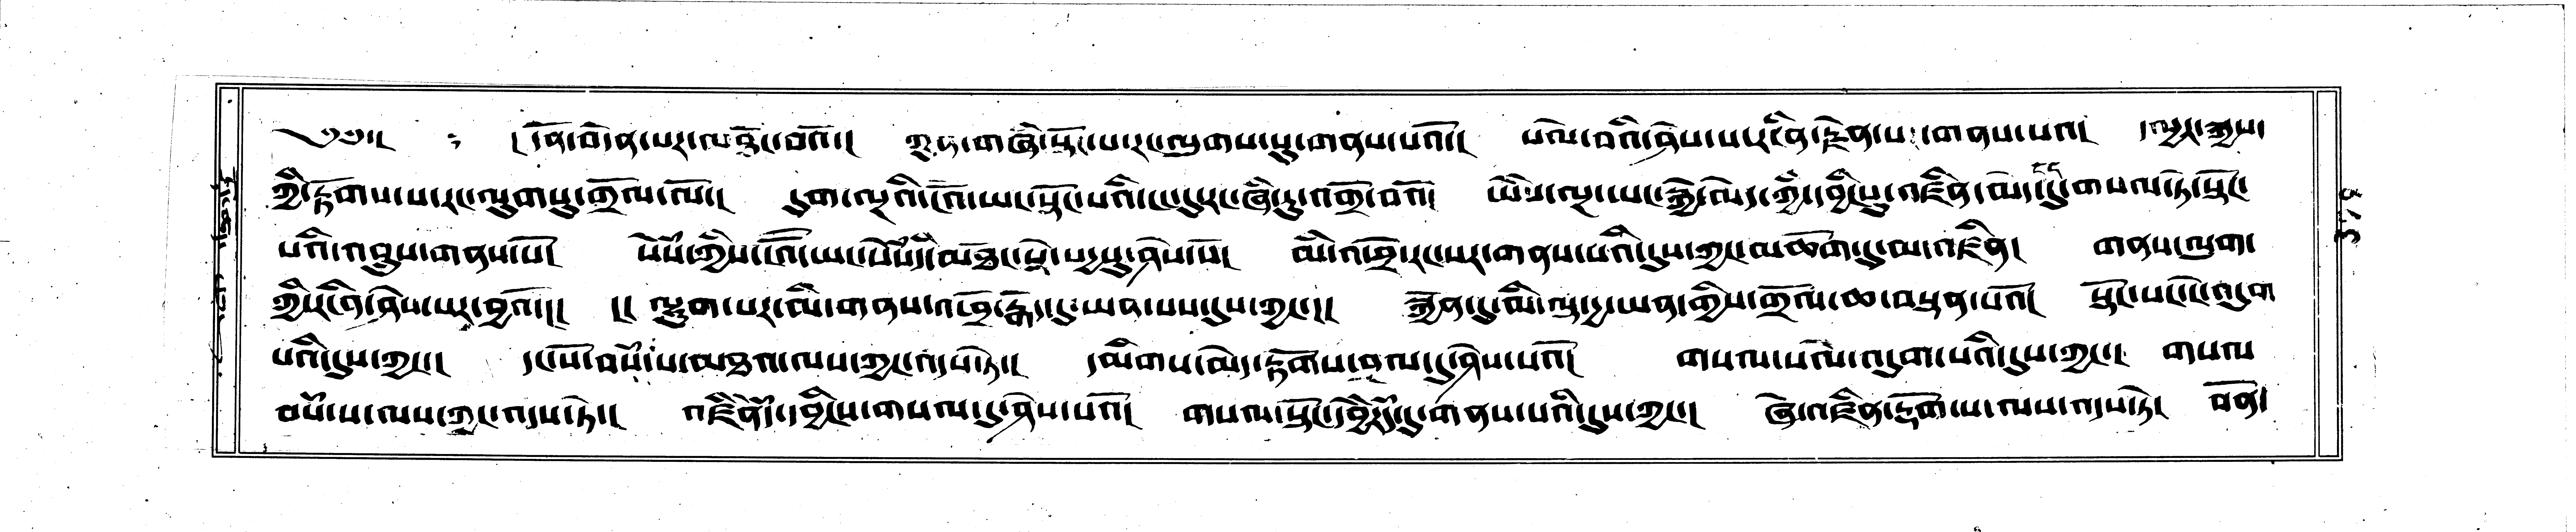དོན་དེར་མཐོང་བའོ། ཀུན་གཞི་སྟོང་པ་རང་ལུགས་སུ་ལྷོད་དེ་གནས་སོ། སལེ་བའི་ཤེས་པ་རང་བཞིན་རྗེན་པར་གནས་པའོ། ཐོལ་སྐྱེས་
ཀྱིས་རྟོག་པ་རང་འབྱུང་དུ་གྲོལ་ལོ། དུག་ལྔའི་ངོའོ་ཡང་སྟོང་པའི་ངང་དུ་རང་ཞི་རུ་འགྲོའོ། ཡེ་ཤེས་ལྔ་ཡང་སྐྱེ་མེད་ཀྱིས་དབྱིངས་སུ་འཛིན་མེད་དུ་གསལ་ཏེ་སྟོང་
པའི་འབྲས་བུ་གནས་སོ། སེམས་ཀྱིས་ངོའོ་ཡང་སེམས་ཉིད་དུ་མཐོང་སྟེ་སངས་རྒྱས་སུ་ཤེས་སོ། མི་འཕྲོ་རང་སར་གནས་པའི་དུས་ཀྱང་། མཆོག་དུ་མི་འཛིན་གནས་ལུགས་
ཀྱི་རང་བཞིན་དུ་ཤེས་པར་བྱའོ། ལྷུག་པར་མི་གནས་འཕྲོ་རྒོད་དུ་ཡན་པའི་དུས་ཀྱང་། སྐྱོན་དུ་མི་ལྟ་རྒྱ་ཡན་གྱིས་གྲོལ་ཆ་ཤེས་པའོ། སྟོང་སང་ངེ་འདུག་
པའི་དུས་ཀྱང། སྟོང་སོ་བསམ་པའི་མཐའ་ལས་ཀྱང་འདས་ཏེ། དམིགས་མེད་རྟོག་བྲལ་དུ་ཤེས་པའོ། གསལ་སལེ་འདུག་པའི་དུས་ཀྱང། གསལ་
ལོ་བསམ་པ་ལས་ཀྱང་འདས་ཏེ། འཛིན་མེད་དབྱིངས་གསལ་དུ་ཤེས་པའོ། གསལ་སྟོང་དབྱེར་མེད་དུ་གནས་པའི་དུས་ཀྱང་། ཞེ་འཛིན་རྟོག་པ་ལས་འདས་ཏེ། བོན་